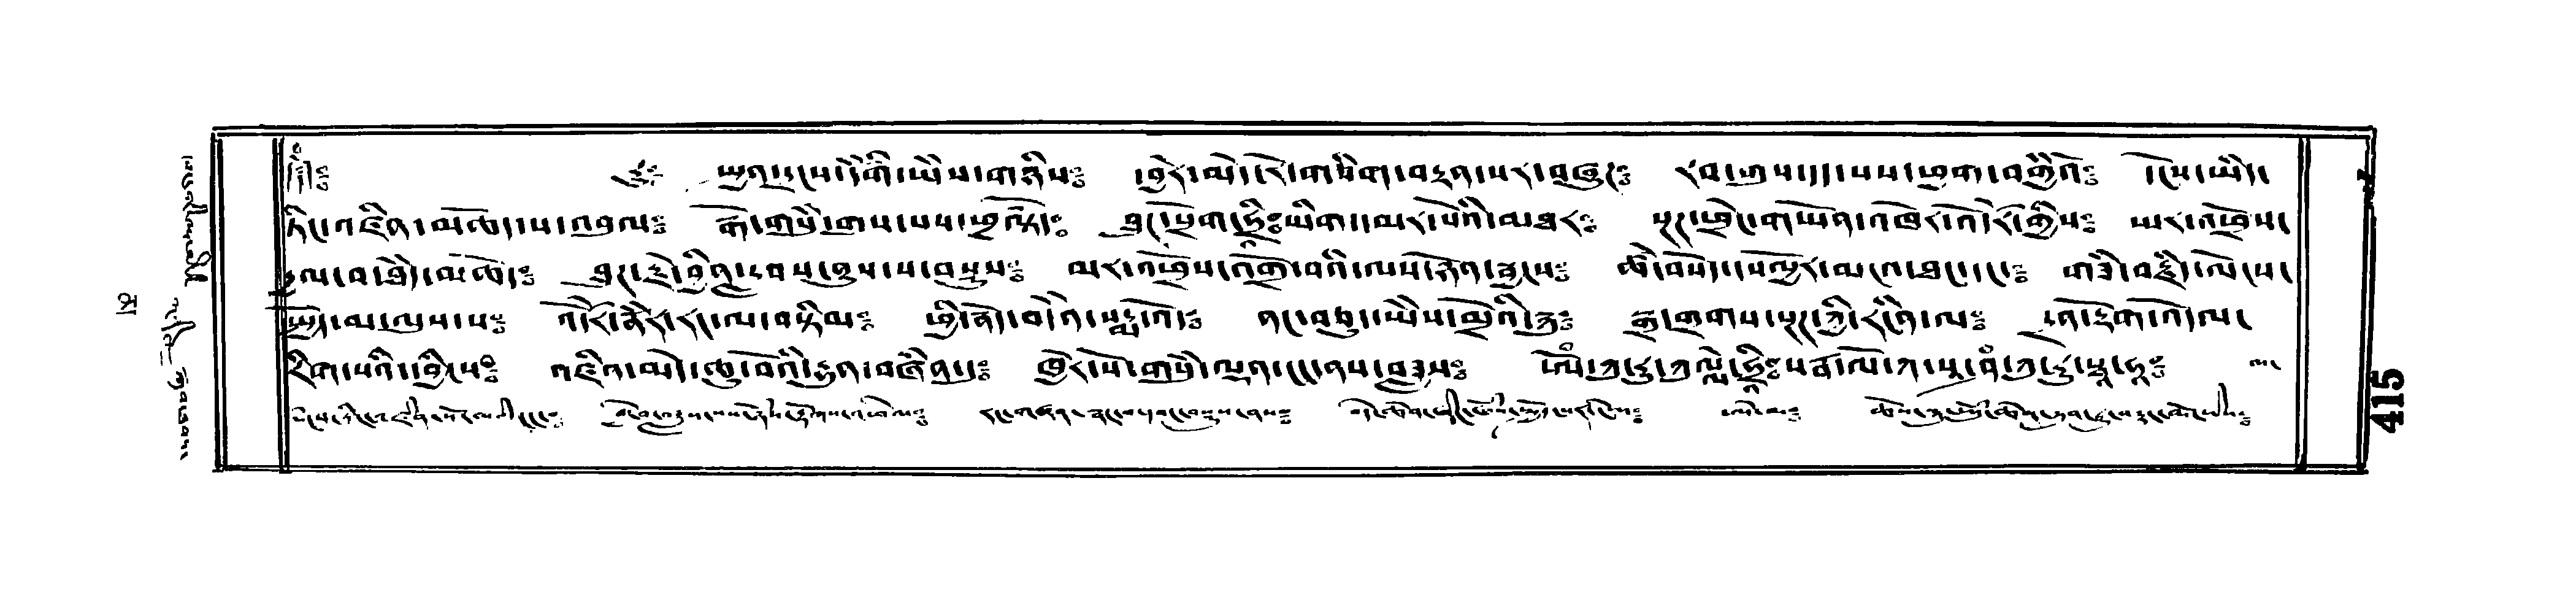རུ༔ སྤྱན་དྲངས་དམ་ཚིག་ཡེ་ཤེས་གཉིས༔ དབྱེར་མེད་རོ་གཅིག་བརྟན་པར་བཞུགས༔ རབ་གུས་དད་པས་ཕྱག་བགྱིའོ༔ དངོས་ཡིད་
ཏིང་འཛིན་མཆོད་པ་འབུལ༔ སྒོ་གསུམ་གུས་པས་ཕྱག་འཚལ་བསྟོད༔ ཐུགས་སྲོག་ཧྲཱིཿཡིག་དམར་པོའི་མཐར༔ སྔགས་ཕྲེང་གཡོན་འཁོར་འོད་ཟེར་གྱིས༔ ཡར་འཕྲོས་
རྒྱལ་བ་ཐམས་ཅད་མཆོད༔ ཐུགས་རྗེ་བྱིན་རླབས་ནུས་པ་བསྡུས༔ མར་འཕྲོས་འགྲོ་བའི་ལས་ཉོན་སྦྱངས༔ ཚེ་བསོད་དཔལ་འབྱོར་མངའ་ཐང་དང༔ གཟི་བརྗིད་ལོངས་
སྤྱོད་མ་ལུས་པ༔ འོད་ཟེར་རྣམ་པར་རང་ལ་བསྟིམ༔ ཕྱི་སྣོད་བདེ་ཆེན་པདྨ་འོད༔ ནང་བཅུད་ཡེ་ཤེས་མཁའ་འགྲོའི་སྐུ༔ སྒྲ་གྲགས་སྔགས་ཀྱི་རང་བཞིན་ལ༔ དྲན་རྟོག་འོད་གསལ་
རིག་པའི་དབྱིངས༔ འཛིན་མེད་ཆུ་བོའི་རྒྱུན་བཞིན་དུ༔ ཁྱེར་སོ་གསུམ་ལྡན་ངང་ནས་བཟླས༔ ཨོཾ་ཀུ་རུ་ཀུལླེ་ཧྲཱིཿསརྦ་ལོ་ཀ་པཱ་ཤཾ་ཀུ་རུ་སྭཱ་ཧཱཿ 
མ་འོངས་ཏིང་འཛིན་སོ་མའི་ངང༔ བྱེ་བ་བཟླས་པས་ཉམས་རྟོགས་འཕེལ༔རང་གཞན་སྣང་བ་དབང་བསྡུས་ནས༔ བདེ་ཆེན་ཞིང་ཁམས་སྤྱོད་པར་ངེས༔ ཨེ་མ༔ ཆོས་སྐུ་ཡུམ་ཆེན་ཀུན་ཏུ་བཟང་མོ་ཡིས༔